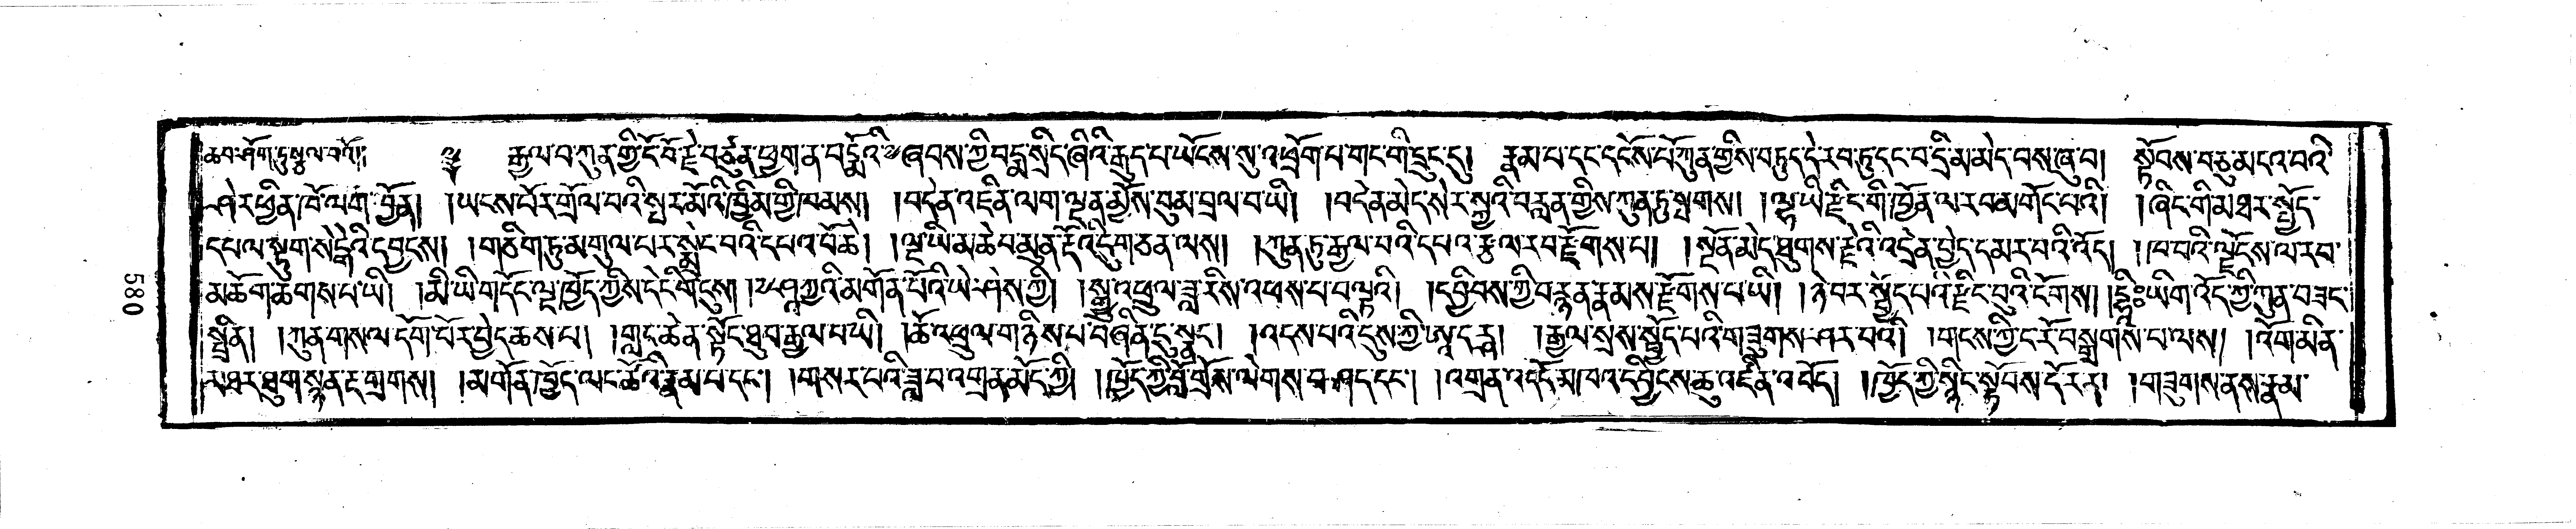ཆབ་ཤོག་ཏུ་སྩལ་བའོ།། ༈ རྒྱལ་བ་ཀུན་གྱི་ངོ་བོ་རྗེ་བཙུན་ཕྱག་ན་པདམོའི་༧་ཞབས་ཀྱི་པདམ་སྲིད་ཞིའི་རྒུད་པ་ཡོངས་སུ་འཕྲོག་པ་གང་གི་དྲུང་དུ། རྣམ་པ་དང་དངོས་པོ་ཀུན་གྱིས་བཏུད་དེ་རབ་ཏུ་དང་བ་དྲི་མ་མེད་བས་ཞུ་བ། སྟོབས་བཅུ་མངའ་བའི་
ཤེར་ཕྱིན་ཁོ་ལག་བྱོན། །ཡངས་བོར་གྲོལ་བའི་སྤར་མོའི་ཁྱིམ་གྱི་ཁམས། །བདེན་འཛིན་ལག་ལྡན་མྱོས་བུམ་བྲལ་བ་ཡི། །བདེན་མེད་སེར་སྐྱའི་བརླན་གྱིས་ཀུན་ཏུ་སྤགས། །ལྷ་ཡི་རྫིང་གི་ཁྱོན་ལ་རབ་མགོང་པའི། །ཞིང་གི་མཐར་སྤྱོད་
དཔལ་སྟུག་སེངྒེའི་དབྱངས། །གཅིག་ཏུ་མགུལ་པར་སྨྲེང་བའི་དཔའ་བོ་ཆེ། །ལྔ་ཡི་མཆེ་བ་མུན་རྡོའི་དུག་ཅན་ལས། །ཀུན་ཏུ་རྒྱལ་བའི་དཔའ་རྩལ་རབ་རྫོགས་པ། །སྔོན་མེད་ཐུགས་རྗེའི་འདྲེན་བྱེད་དམར་བའི་འོད། །ཁ་བའི་ལྗོངས་ལ་རབ་
མཆོག་ཆགས་པ་ཡི་། །མི་ཨི་གདོང་ལྔ་ཁྱོད་ཀྱིས་དེང་གི་དུས། །༧་ཤཱཀྱའི་མགོན་པོའི་ཡེ་ཤེས་ཀྱི། །སྒྱུ་འཕྲུལ་ཟླ་རིས་འཕས་པ་བལྟའི། །དབྱིངས་ཀྱི་བརྙན་རྣམས་རྫོགས་པ་ཡི། །ཉེ་བར་སྦྱོད་པའི་རྫིང་བུའི་ངོགས། །དྷཱིཿ ཡིག་འོད་ཀྱི་ཀུན་བཟང་
སྤྲིན། །ཀུན་གསལ་དོག་པོར་བྱེད་ཆས་པ། །གླང་ཆེན་སྟོང་ཐུབ་རྒྱལ་བ་ཡི། །ཆོ་འཕྲུལ་གཉིས་པ་བཞིན་དུ་སྣང་། །འདས་པའི་དུས་ཀྱི་ཨཱ་དརྴ། །རྒྱལ་སྲས་སྦྱོད་པའི་གཟུགས་ཤར་བའི། །གངས་ཀྱི་ང་རོ་བསྒྲགས་པ་ལས། །འོག་མིན་
མཐར་ཐུག་སྙན་རྡ་གྲགས། །མགོན་ཁྱོད་ལང་ཚོའི་རྣམ་པ་དང་། །གསར་པའི་ཟླ་བ་འགྲན་མོད་ཀྱི། །ཁྱོད་ཀྱི་བློ་གྲོས་ལེགས་བཤད་དང་། །འགྲན་འདོང་མཁའ་དབྱིངས་ཆུ་འཛིན་འབོད། །ཁྱོད་ཀྱི་སྙིང་སྟོབས་དོར་ན། །གཟུགས་ནས་རྣམ་